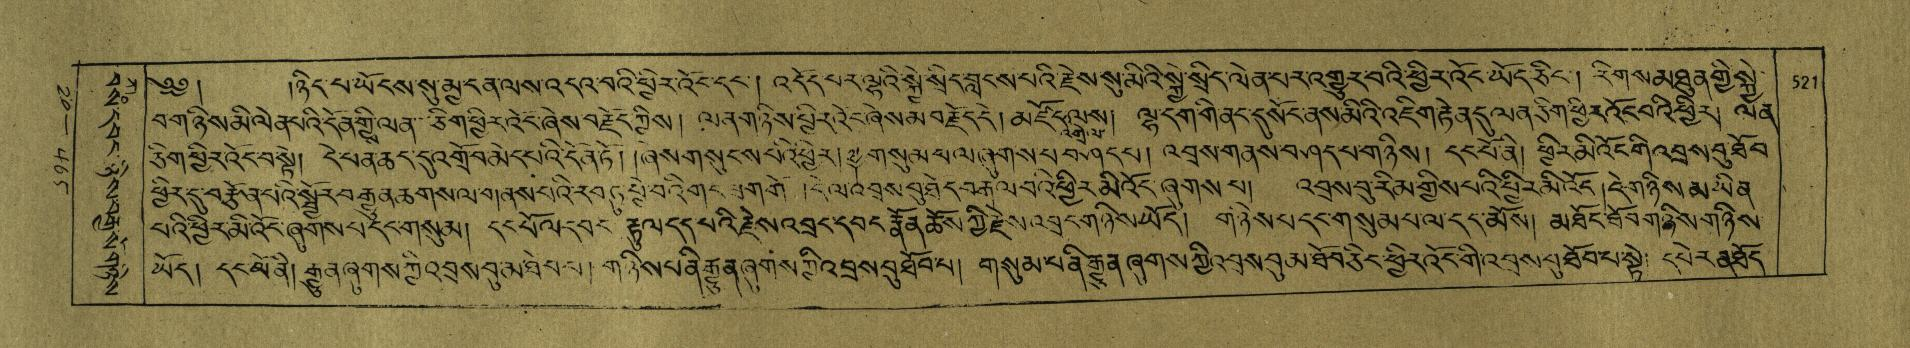༄༅། །ཉིད་པ་ཡོངས་སུ་མྱ་ངན་ལས་འདའ་བའི་ཕྱིར་འོང་དང་། འདོད་པར་ལྷའི་སྐྱེ་སྲིད་བླངས་པའི་རྗེས་སུ་མིའི་སྐྱེ་སྲིད་ལེན་པར་འགྱུར་བའི་ཕྱིར་འོང་ཡོད་ཅིང་། རིགས་མཐུན་གྱི་སྐྱེ་
བ་གཉིས་མི་ལེན་པའི་དོན་གྱིས་ལན་ཅིག་ཕྱིར་འོང་ཞེས་བརྗོད་ཀྱིས། ལན་གཉིས་ཕྱིར་འོང་ཞེས་མ་བརྗོད་དེ། མཛོད་འགྲེལ་ལས། ལྷ་དག་གི་ནང་དུ་སོང་ནས་མིའི་འཇིག་རྟེན་དུ་ལན་ཅིག་ཕྱིར་འོང་བའི་ཕྱིར། ལན་
ཅིག་ཕྱིར་འོང་བ་སྟེ། དེ་ཕན་ཆད་དུ་འགྲོ་བ་མེད་པའི་དོན་ཏོ། །ཞེས་གསུངས་པའི་ཕྱིར། ༈ གསུམ་པ་ལ་ཞུགས་པ་བཤད་པ། འབྲས་གནས་བཤད་པ་གཉིས། དང་པོ་ནི། ཕྱིར་མི་འོང་གི་འབྲས་བུ་ཐོབ་
ཕྱིར་དུ་བརྩོན་པའི་སྦྱོར་བ་རྒྱུན་ཆགས་ལ་གནས་པའི་རབ་ཏུ་ཕྱེ་བའི་གང་ཟག་གོ །དེ་ལ་འབྲས་བུ་ཐོད་བརྒལ་བའི་ཕྱིར་མི་འོང་ཞུགས་པ། འབྲས་བུ་རིམ་གྱིས་པའི་ཕྱིར་མི་འོང་། དེ་གཉིས་མ་ཡིན་
པའི་ཕྱིར་མི་འོང་ཞུགས་པ་དང་གསུམ། དང་པོ་ལ་དབང་རྟུལ་དད་པའི་རྗེས་འབྲང་དབང་རྣོན་ཆོས་ཀྱི་རྗེས་འབྲང་གཉིས་ཡོད། གཉིས་པ་དང་གསུམ་པ་ལ་དད་མོས། མཐོང་ཐོབ་གཉིས་གཉིས་
ཡོད། དང་པོ་ནི། རྒྱུན་ཞུགས་ཀྱི་འབྲས་བུ་མ་ཐོབ་པ། གཉིས་པ་ནི་རྒྱུན་ཞུགས་ཀྱི་འབྲས་བུ་ཐོབ་པ། གསུམ་པ་ནི་རྒྱུན་ཞུགས་ཀྱི་འབྲས་བུ་མ་ཐོབ་ཅིང་ཕྱིར་འོང་གི་འབྲས་བུ་ཐོབ་པ་སྟེ། དཔེར་ན་ཐོད་